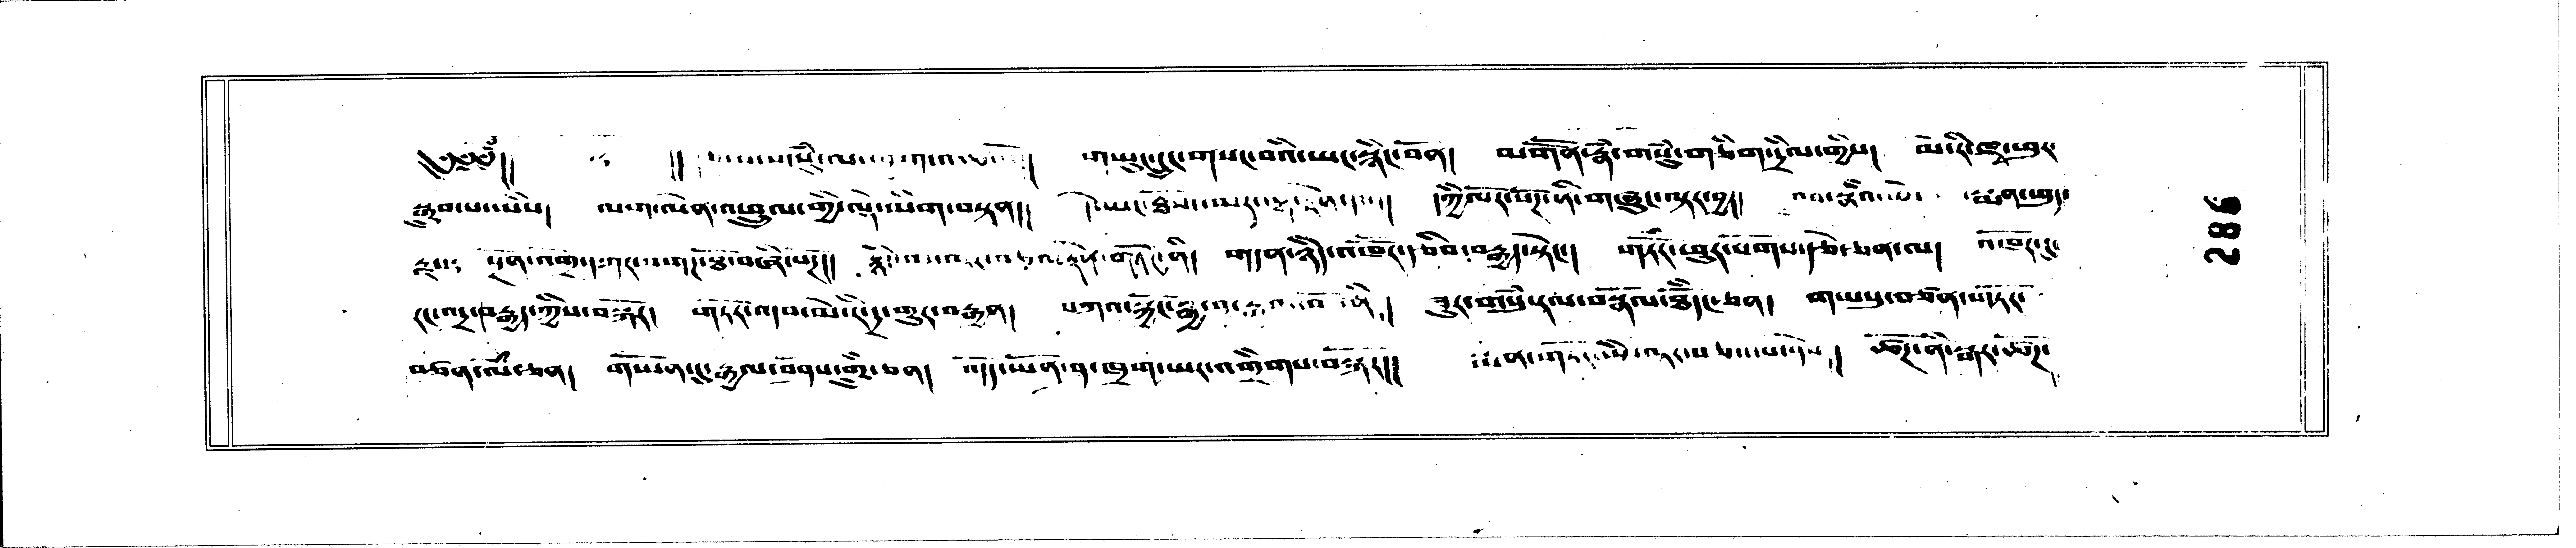རྩ་བ་གསུམ་ལ་ཕྱག་འཚལ་ལོ། གཡུང་དྲུང་གསང་བའི་ཡང་སྙིང་བོན། མགོན་པོ་རྣམ་གསུམ་གཅིག་དྲིལ་གྱིས། མེ་རི་ཛྭོ་ཕུར་
བསྒྲུབ་པ་ཡིས། ལག་ལེན་འཕྲུལ་གྱི་ལྡེ་མིག་བསྟན། དེ་ཡང་ཐོག་མར་ལྷ་རྟེན་དང་། དཀྱིལ་འཁོར་སོགས་ནི་གཞུང་ལྟར་བྱ། འབྲུ་སྣའི་ཕྱེ་མ་སྨན་ཕུད་
རྫས། སྔོན་འགྲོ་དཀར་བགེགས་ཐོ་བཞི་སོགས། རྙིང་མ་ལྟར་བཅའ་རྟེན་གཏོར་ནི། བདག་ཉིད་འཁོར་ལོ་རྩིབས་བརྒྱད་སྟེང་། གཏོར་མ་ཕུར་སོགས་རྩེ་ཅན་ལ། འཁོར་དུ་
རང་འདྲ་བརྒྱད་ཀྱིས་བསྐོར། གཏོར་འདབ་མེ་རི་དྲ་གུར་བརྒྱན། བཀའ་སྐྱོང་སྐྱ་གཅིག་རྒྱལ་པོ་ནི། ཟུར་གསུམ་རལ་བསྣོལ་ཐོད་བཅིང་ཅན། གཡས་སུ་བཙན་གཏོར་
བཙན་ལམ་ཅན། གཡོན་དུ་རྒྱལ་བཤོས་གྲུ་བཞི་ཅན། འདོད་ཡོན་ཤ་ཁྲག་ཡར་འགྲིགས་བསྐོར། སྨན་གཏོར་སྤྱི་ལྟར་བཅའ་བ་དགེ། ཚོགས་ནི་སྒར་ཚོགས་